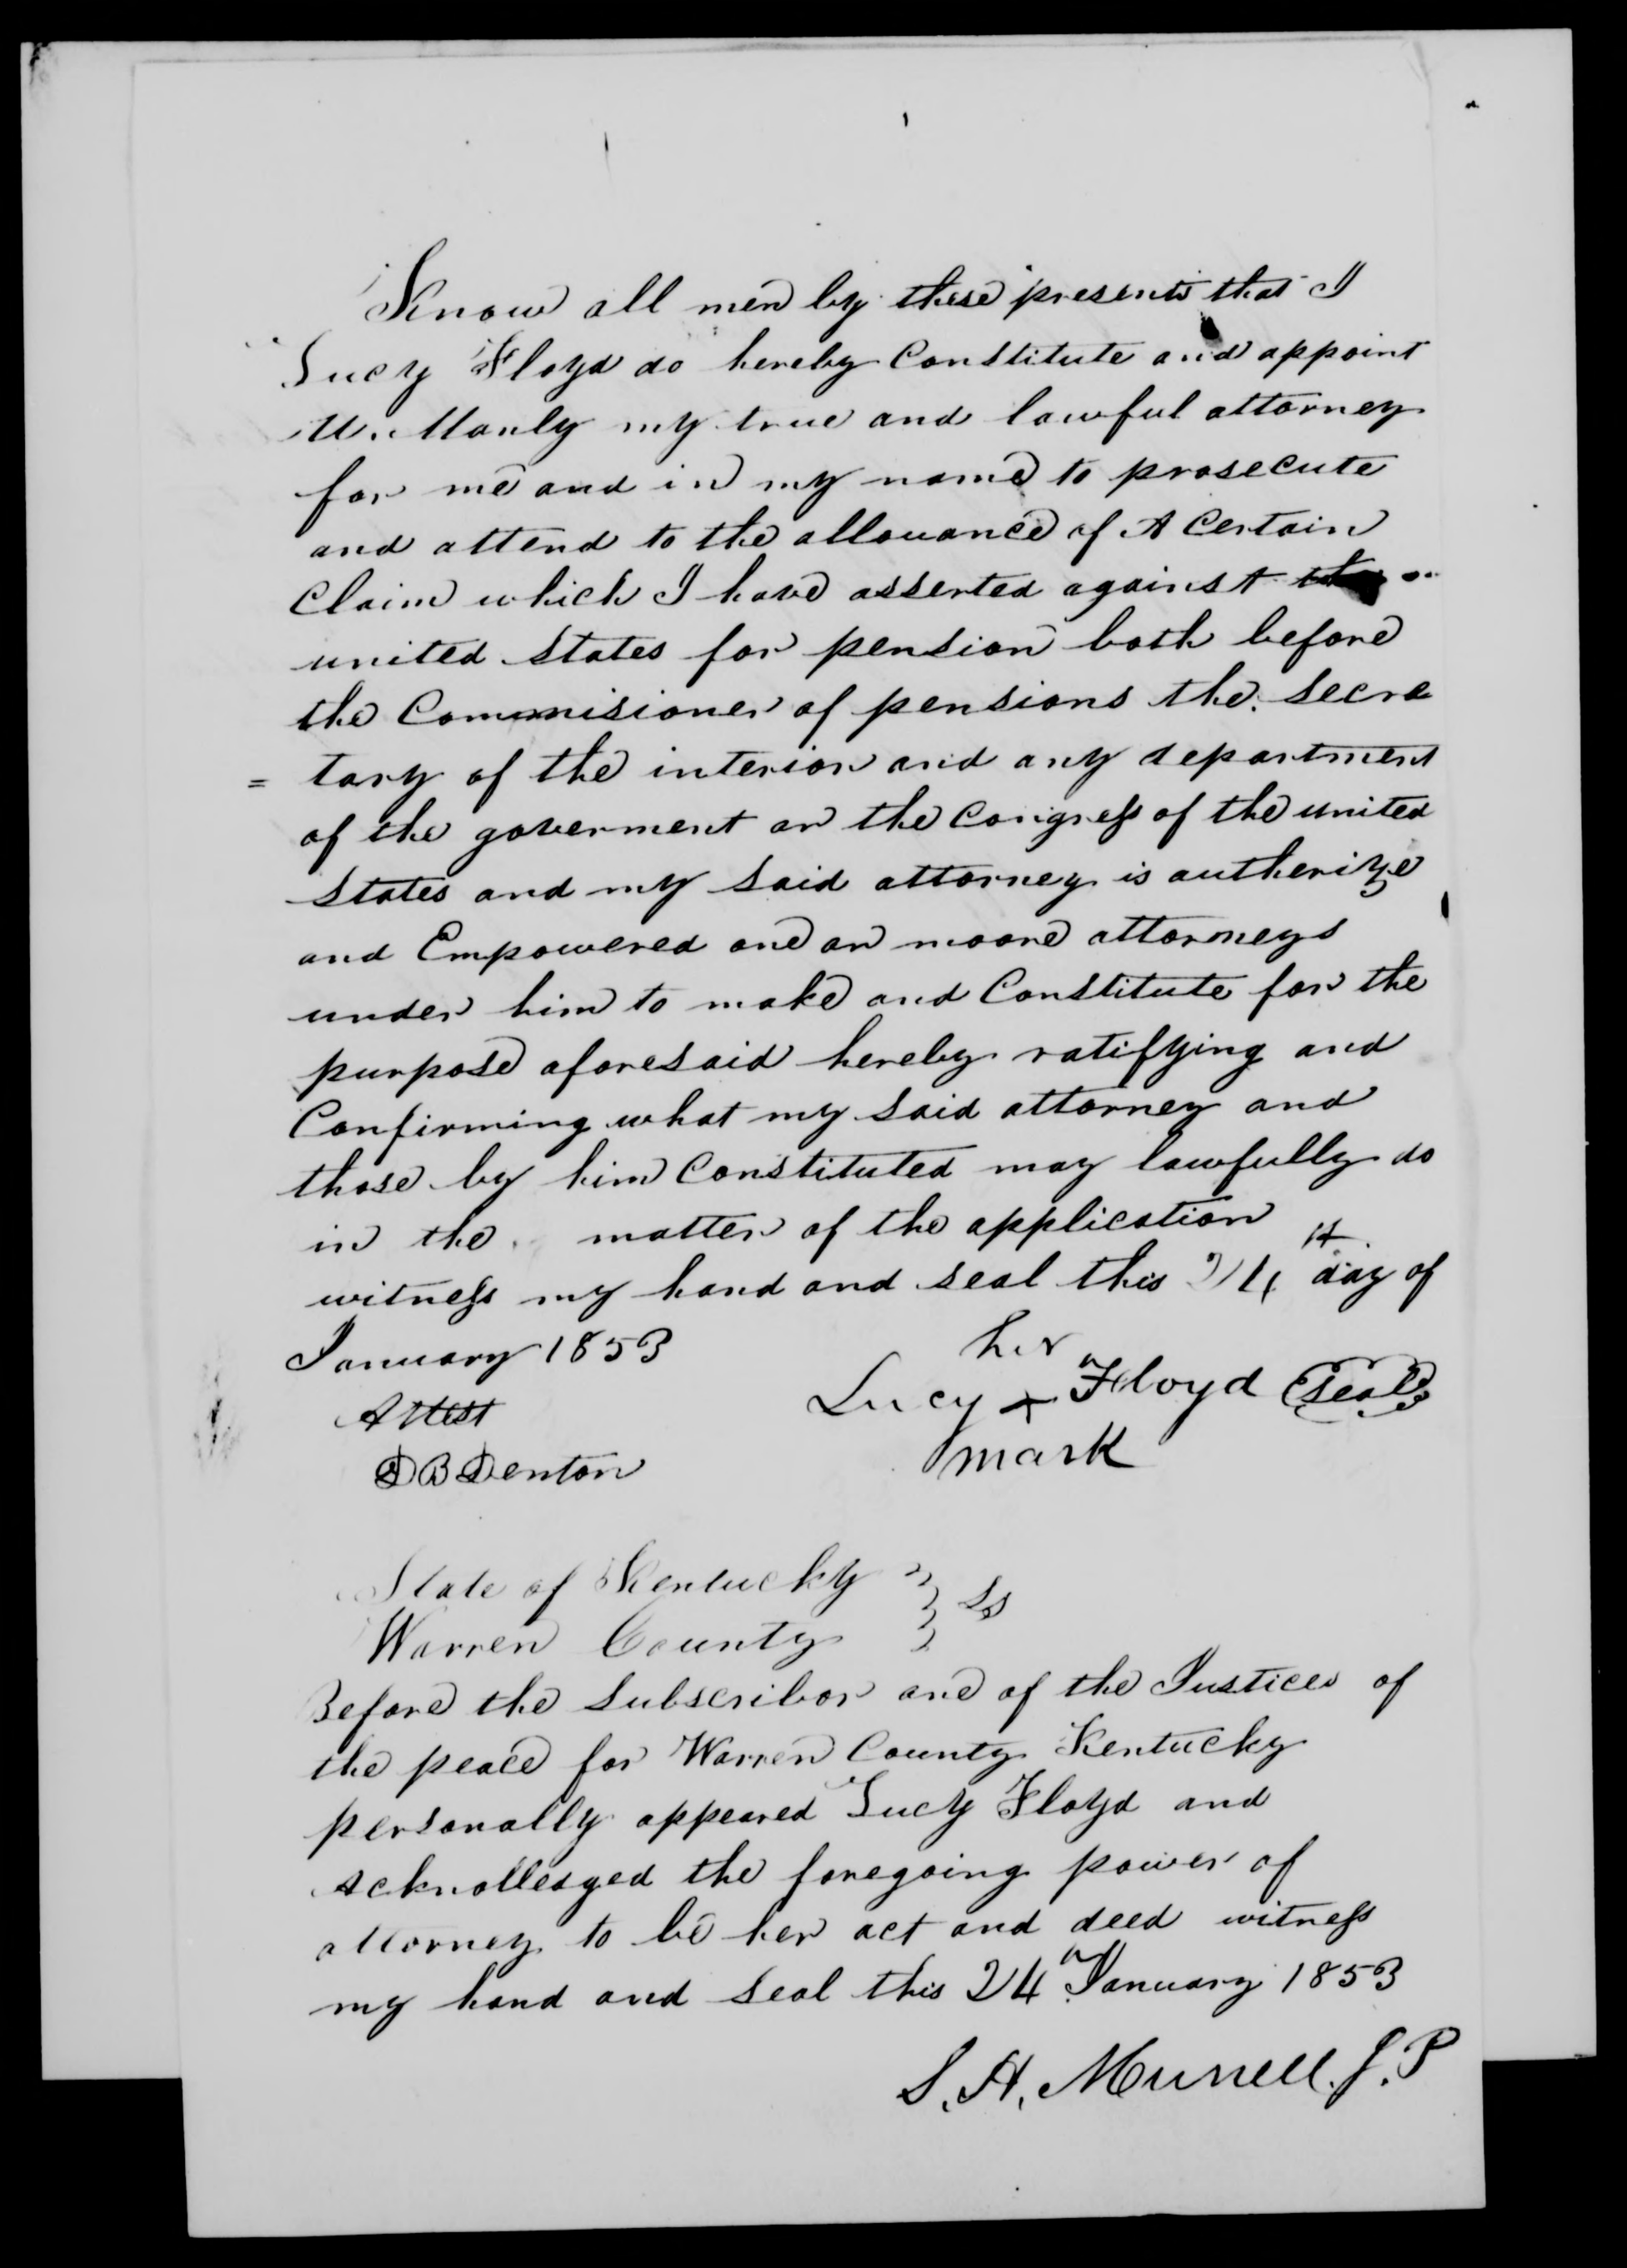Know all men by these presents that I
Lucy Floyd do hereby constitute and appoint
W. Manly my true and lawful attorney
for me and in my name to prosecute
and attend to the allowance of a certain
claim which I have asserted against the
United States for pension both before
the Commisioner of pensions the Secretary of the interior and any department
of the government and the Congress of the United States and my said attorney is authorize
and Empowered one or more attorneys
under him to make and constitute for the
purpose aforesaid hereby ratifying and
Confirming what my said attorney and
these by him constituted may lawfully do
in the matter of the application
witness my hand and seal this 24th day of
January 1853
Attest
B Denton
Lucy Floyd [Seal]
her mark X
State of Kentucky
Warren County
SS
Before the Subscriber and of the Justices of
the peace for Warren County Kentucky
personally appeared Lucy Floyd and
acknowledged the foregoing power of
attorney to be her act and deed witness
my hand and seal this 24th January 1853
S.H. Munell J.P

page: 54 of 99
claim: widow's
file: W 8766, for James Stevens, Virginia